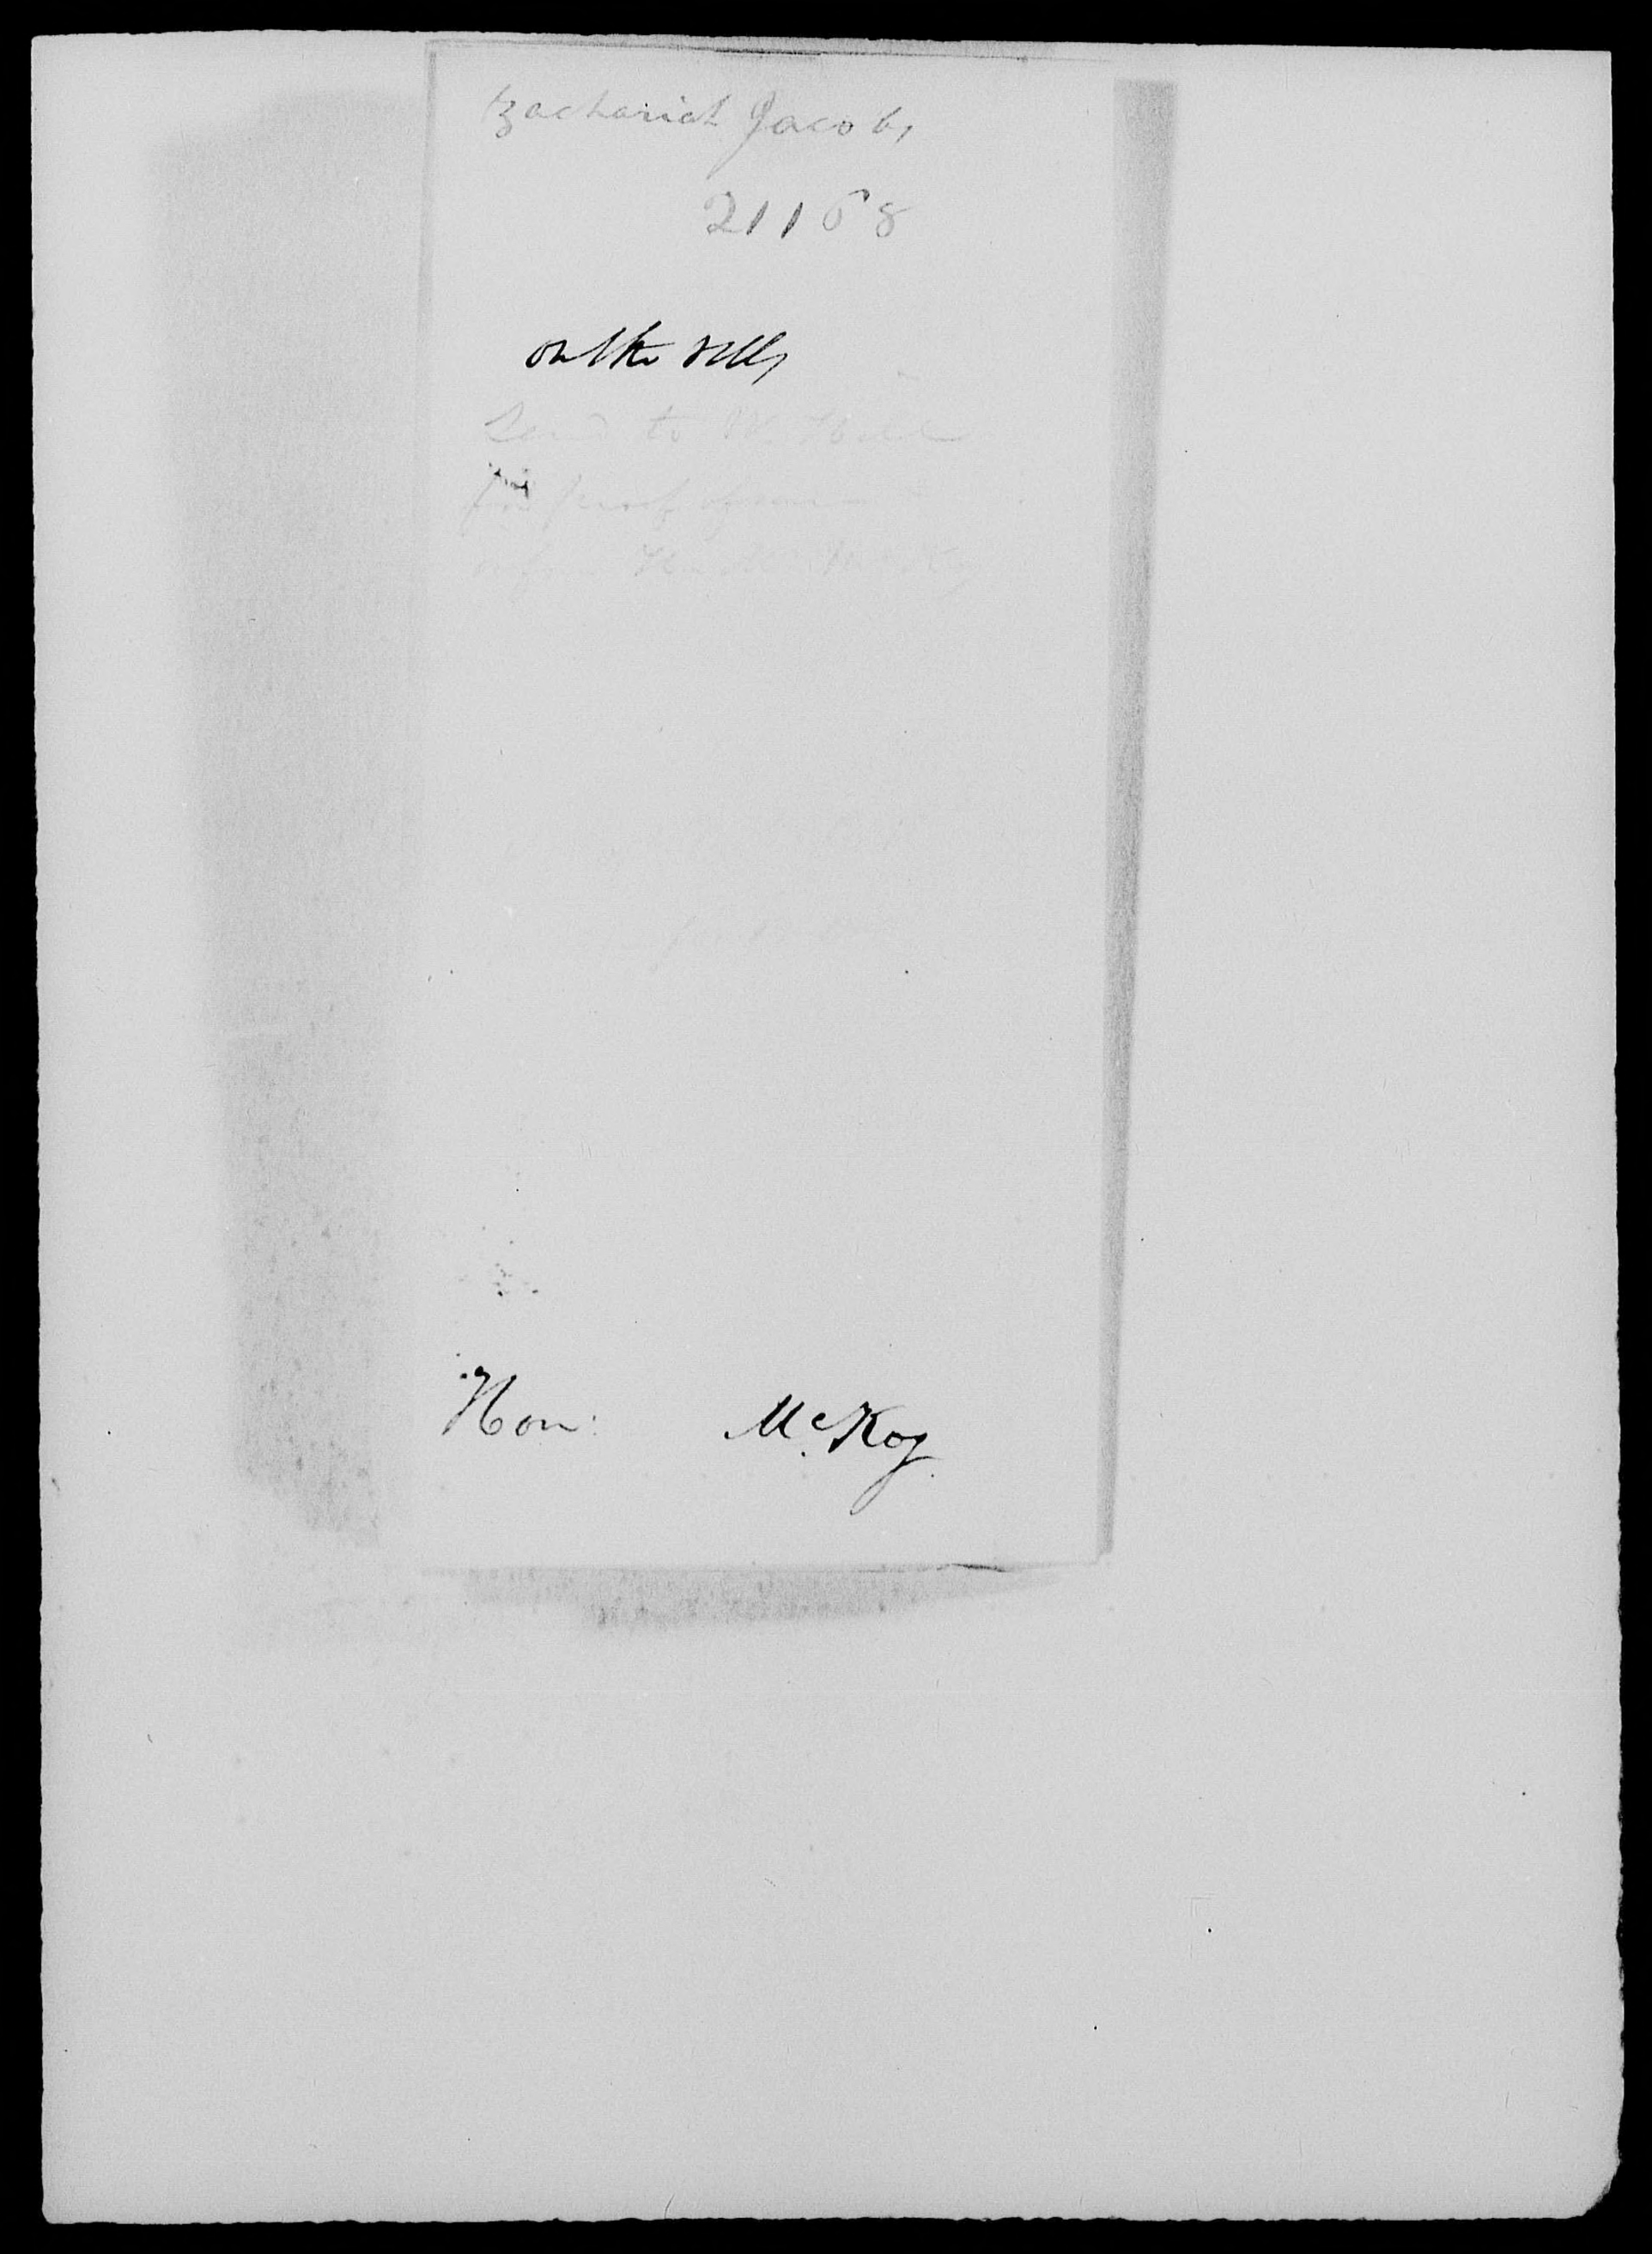Zachariah Jacobs
       21168

[illegible]
Send to W. Hall for proof  from [illegible]
inform Wm [illegible] McKay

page: 9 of 40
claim: widow's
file: W. 5304, for Zachariah Jacobs, North Carolina